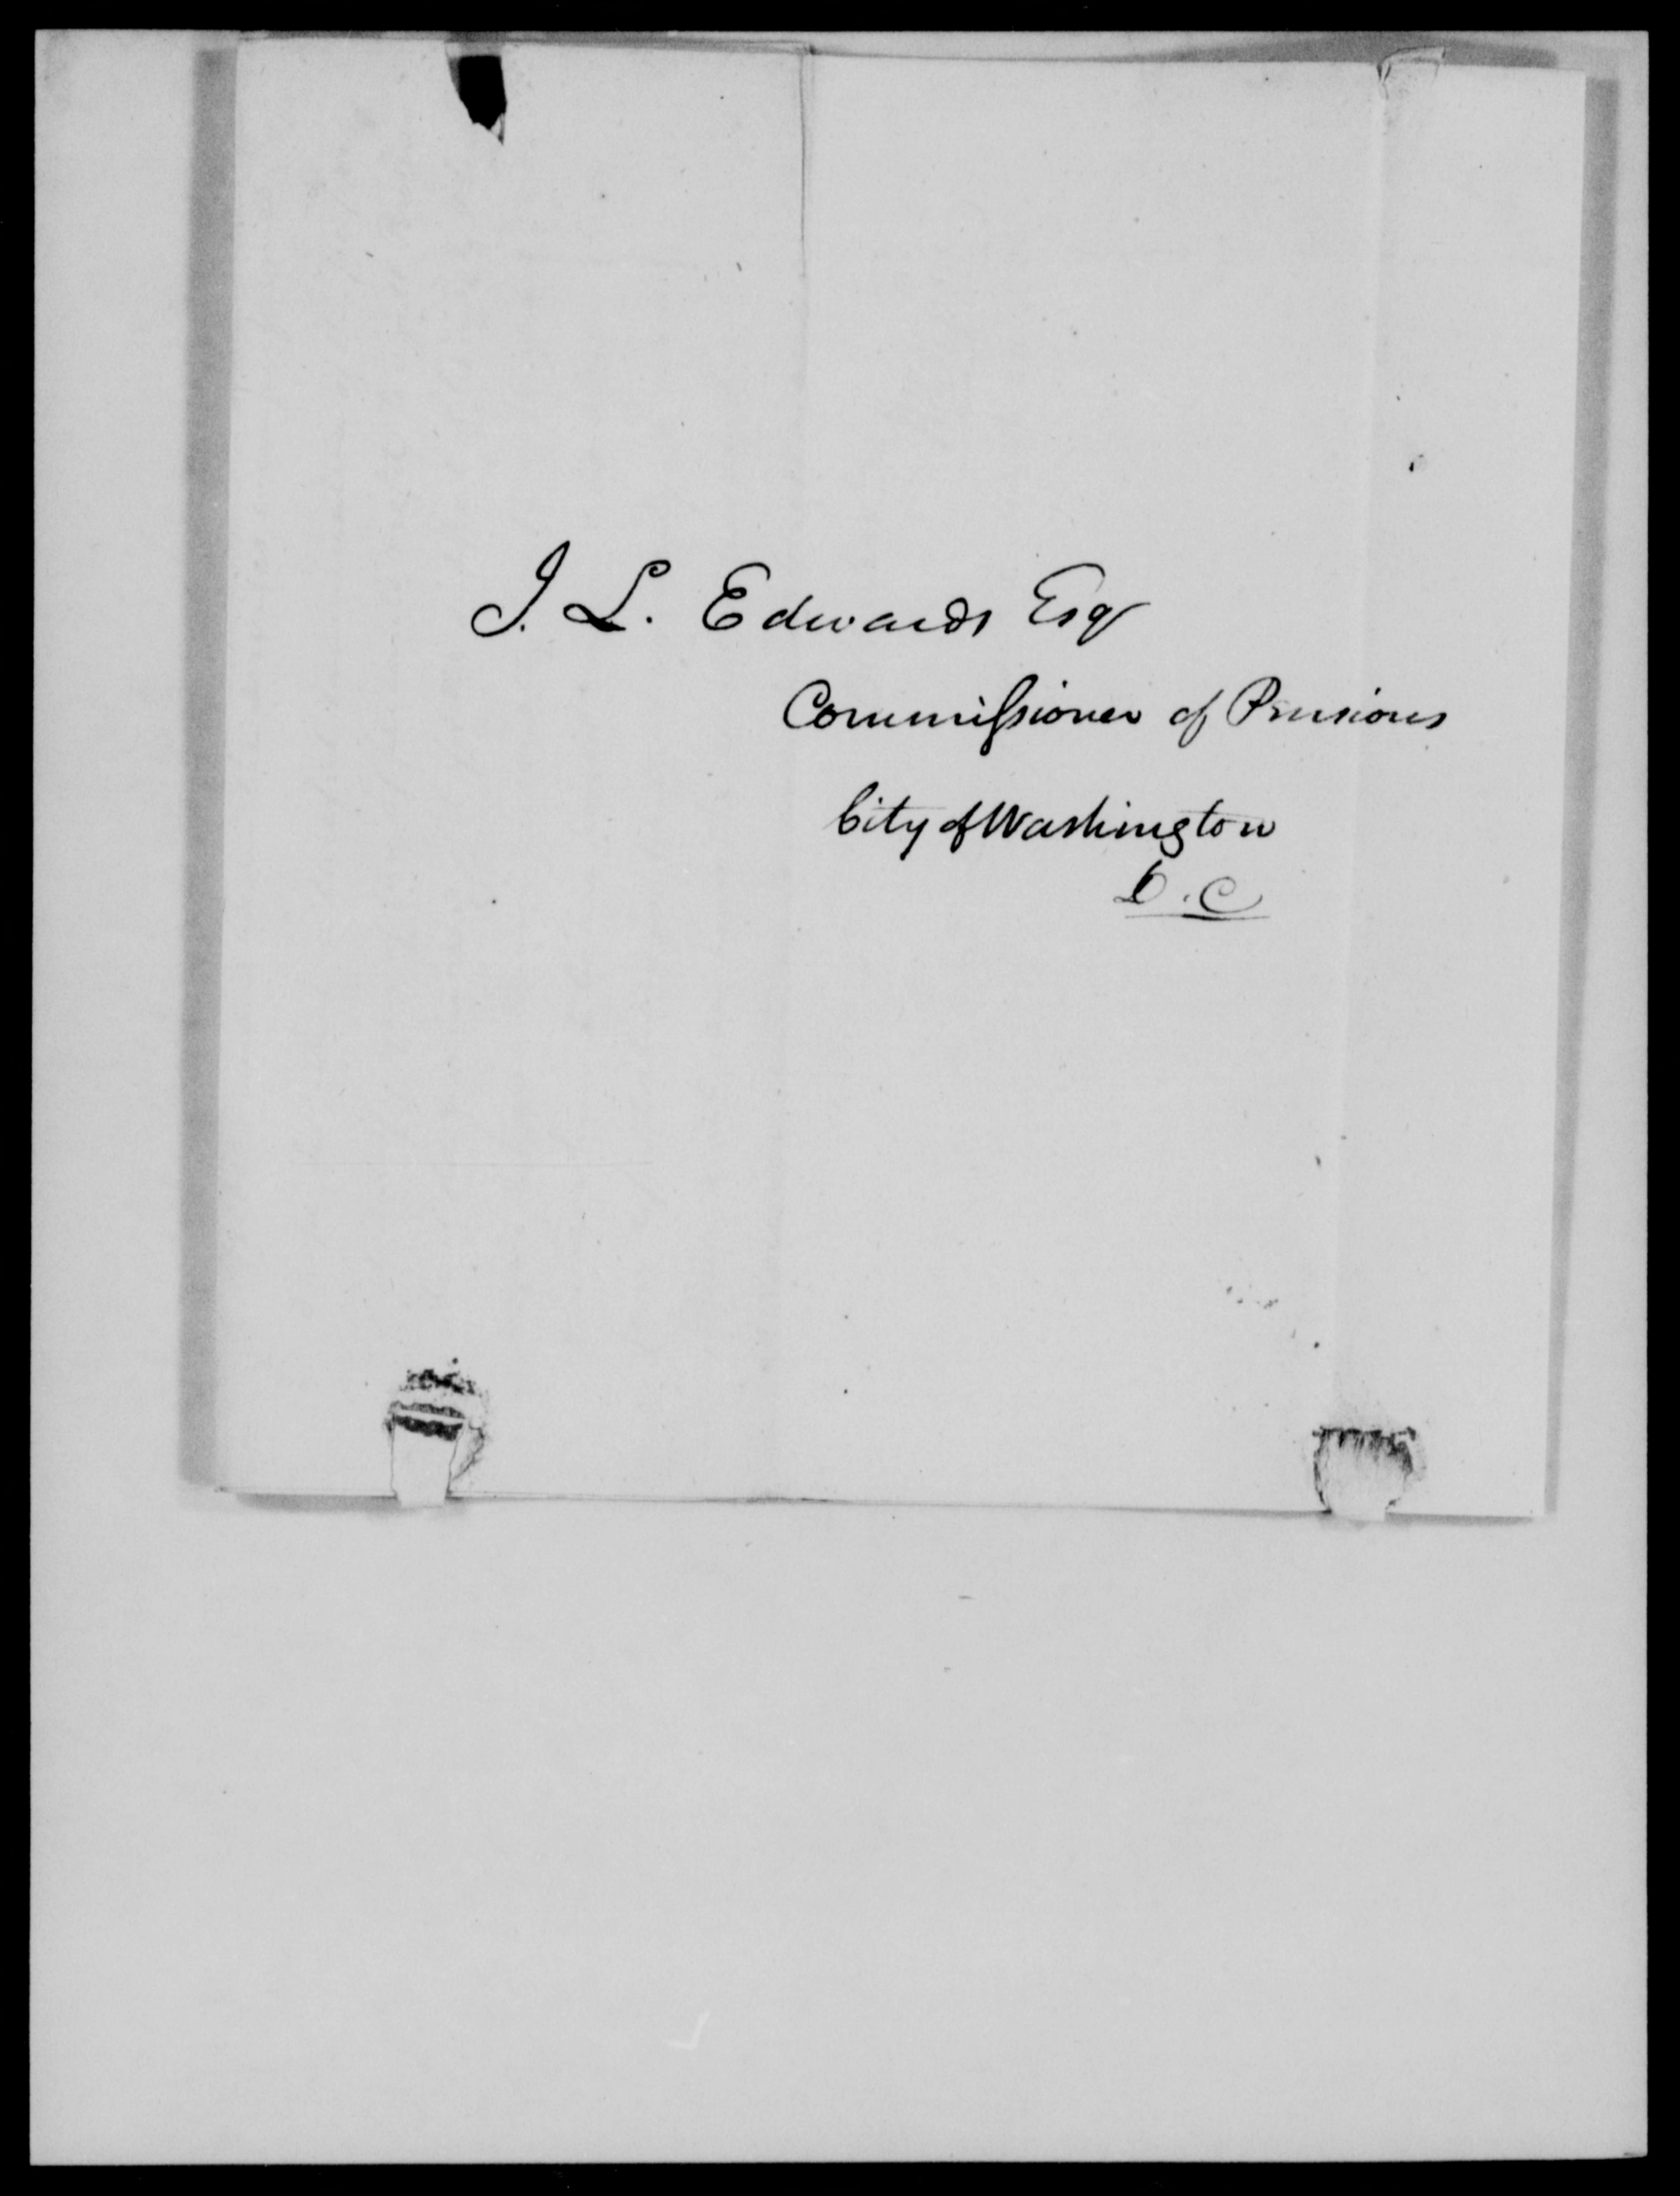J.L. Edwards Esq
Commissioner of Pensions
City of Washington D.C.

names: J L Edwards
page: 20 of 66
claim: widow's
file: W. 19588, William Walling, New Jersey